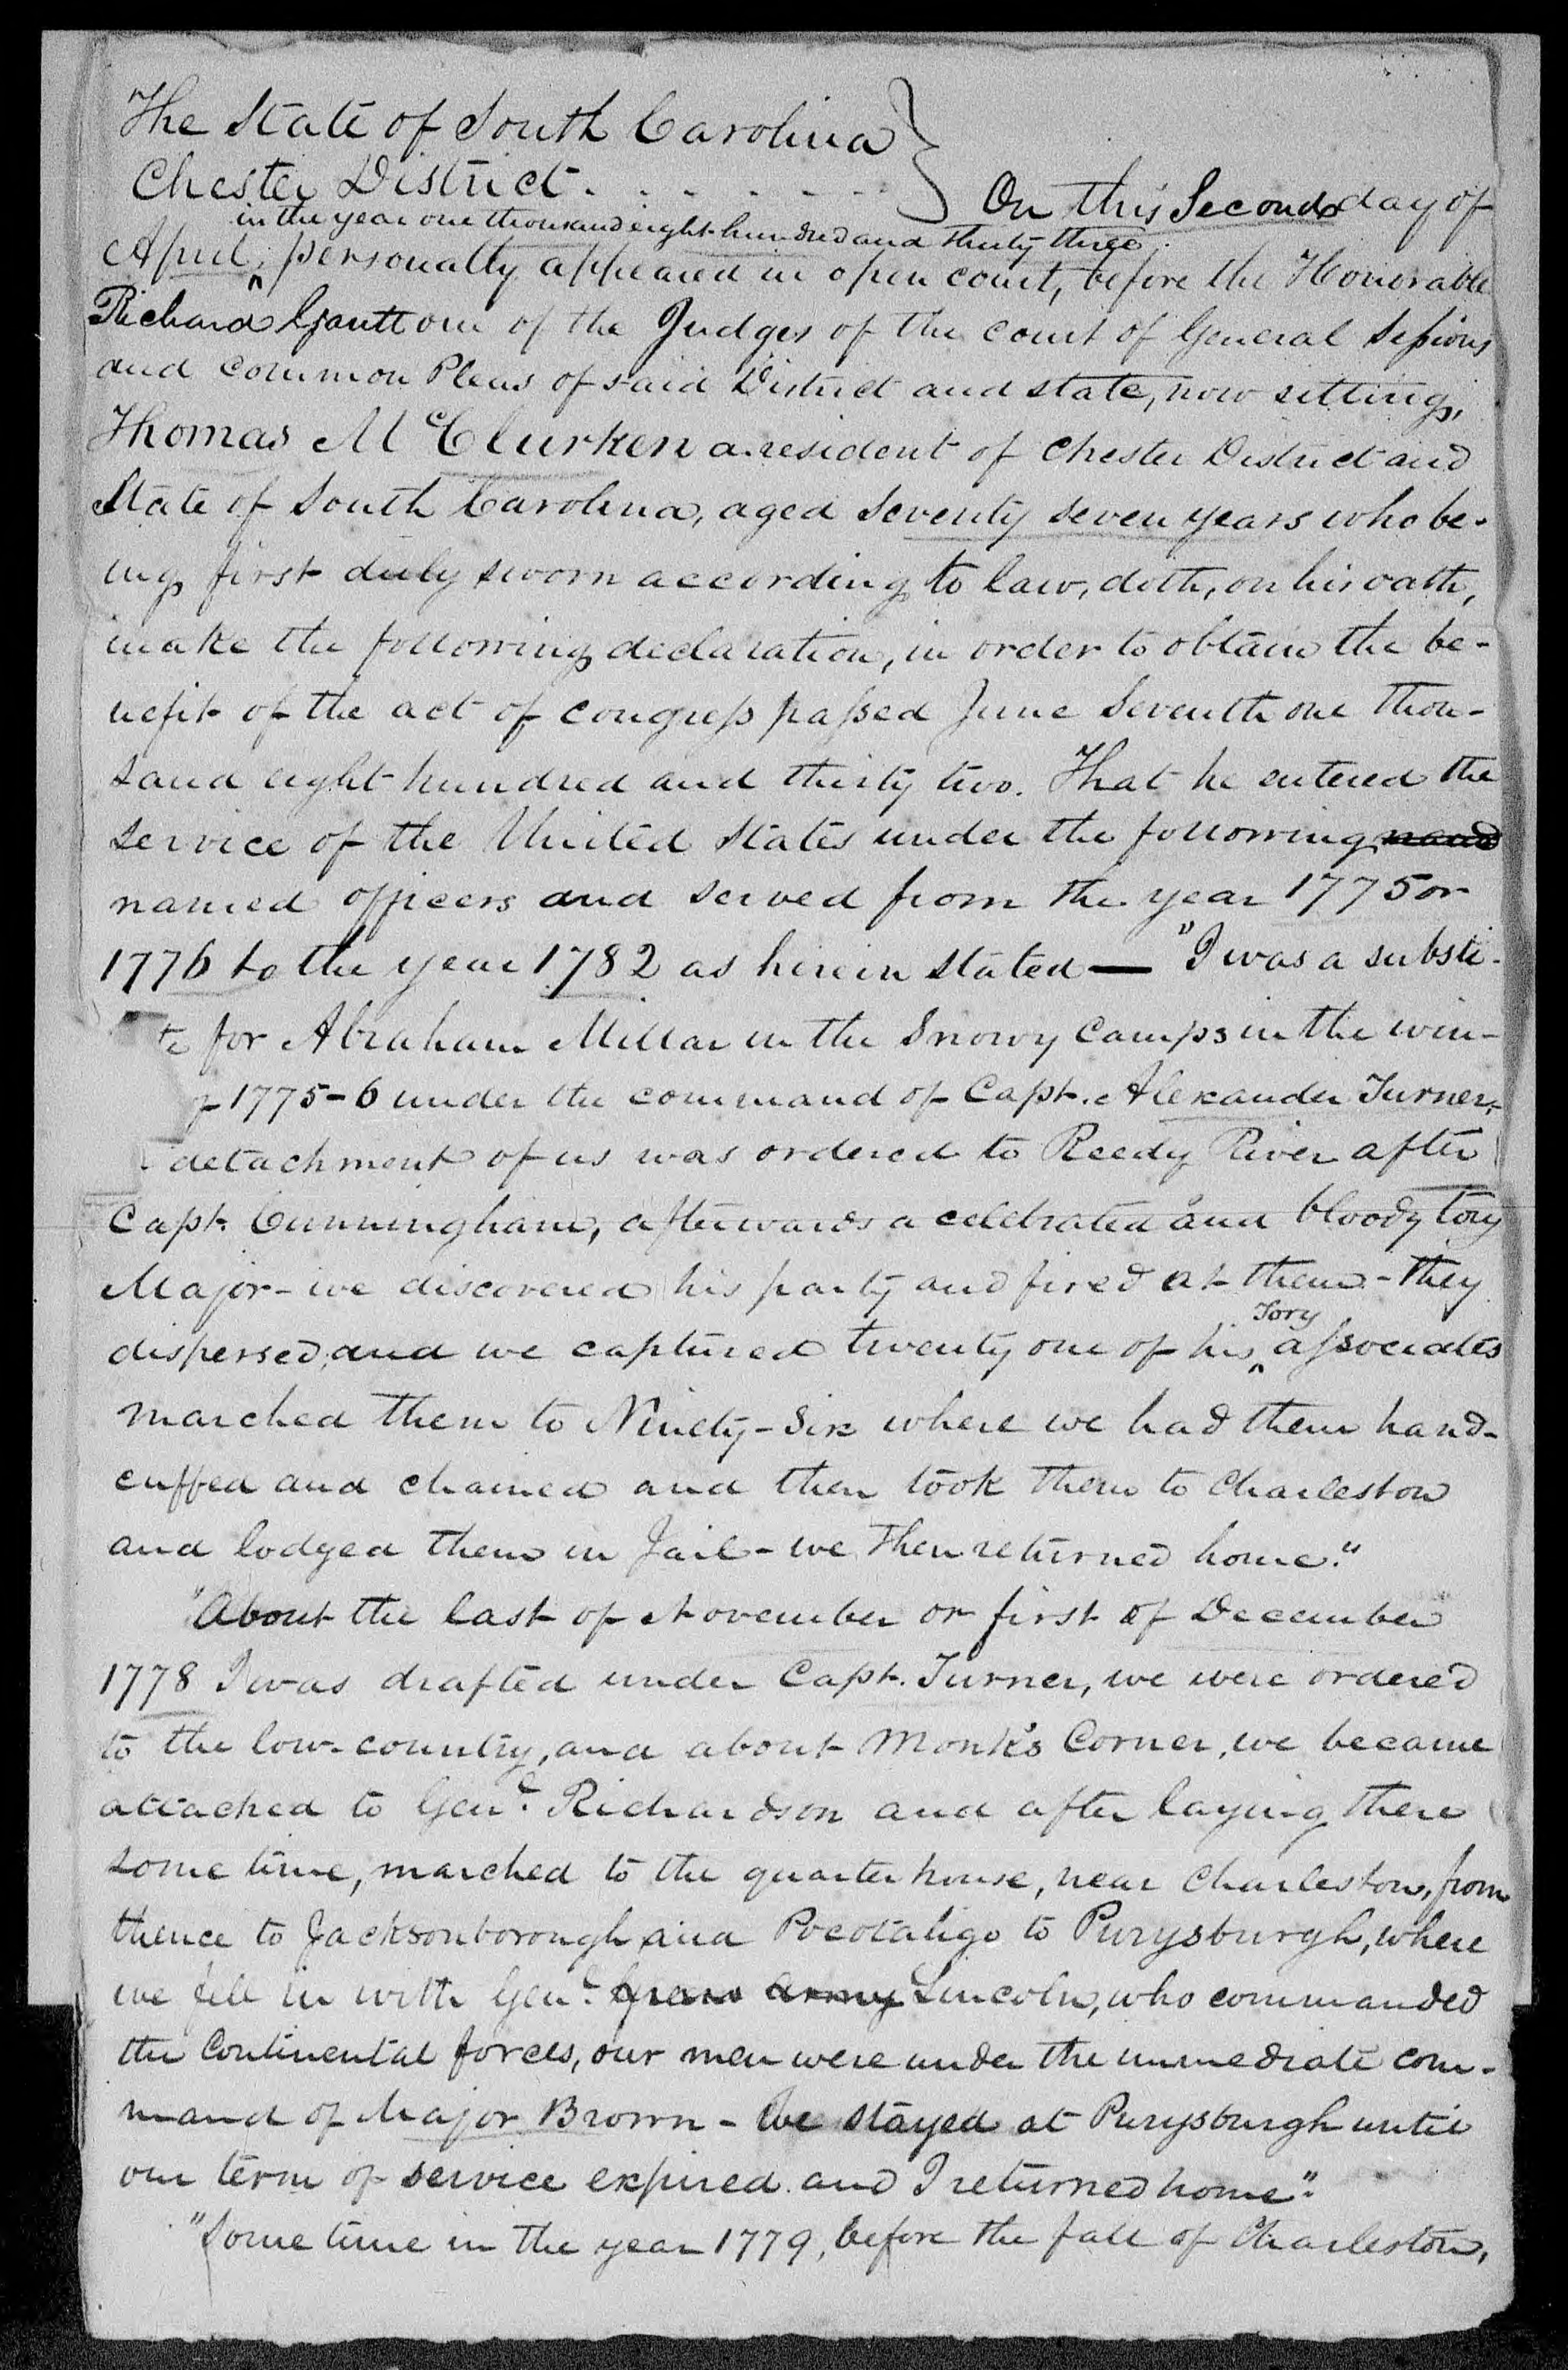The State of South Carolina} 
Chester District}

On this second day of April in the year one thousand eight hundred and thirty-three   personally appeared in open court, before the Honorable Richard Gantt one of the Judges of the Court of General Sessions and Common Pleas of said District and State, now sitting, Thomas McClurken a resident of Chester District and State of South Carolina, aged Seventy seven years who being first duly sworn according to law, doth, on his oath make the following declaration, in order to obtain the benefit of the act of Congress passed June Seventh one thousand eight hundred and thirty two. That he entered the service of the United States under the following named officers and served from the year 1775 or 1776 to the year 1782 as herein stated.
"I was a substitute for Abraham Miller in the Snowey Camps in the winter 1775 under the command of Capt. Alexander Turner detachment of us was ordered to Reedy River after Capt. Cunningham, afterwards a celebrated and bloody Tory Major. We discovered his party and fired at them. They dispersed, and we captured twenty one of his Tory associates marched them to Ninety-six where we had them handcuffed and chained and then took them to Charleston and lodged them in Jail. We then returned home." 

About the last of November or first of December 1778 I was drafted under Capt. Turner, we were ordered to the low country, and about Monk's corner, we became attached to Genl Richardson and after laying there some time, marched to the quarter house, near Charleston, from thence to Jacksonborough and Pocotaligo to Purrysburgh, where we fell in with Genl Lincoln, who commanded the Continental forces, our men were under the immediate command of Major Brown. We stayed at Purrysburgh until our term of service expired and I returned home." 
"Some time in the year 1779, before the fall of Charleston,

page: 10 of 93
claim: widow's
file: W. 21792, for Thomas Mc Clurken, South Carolina